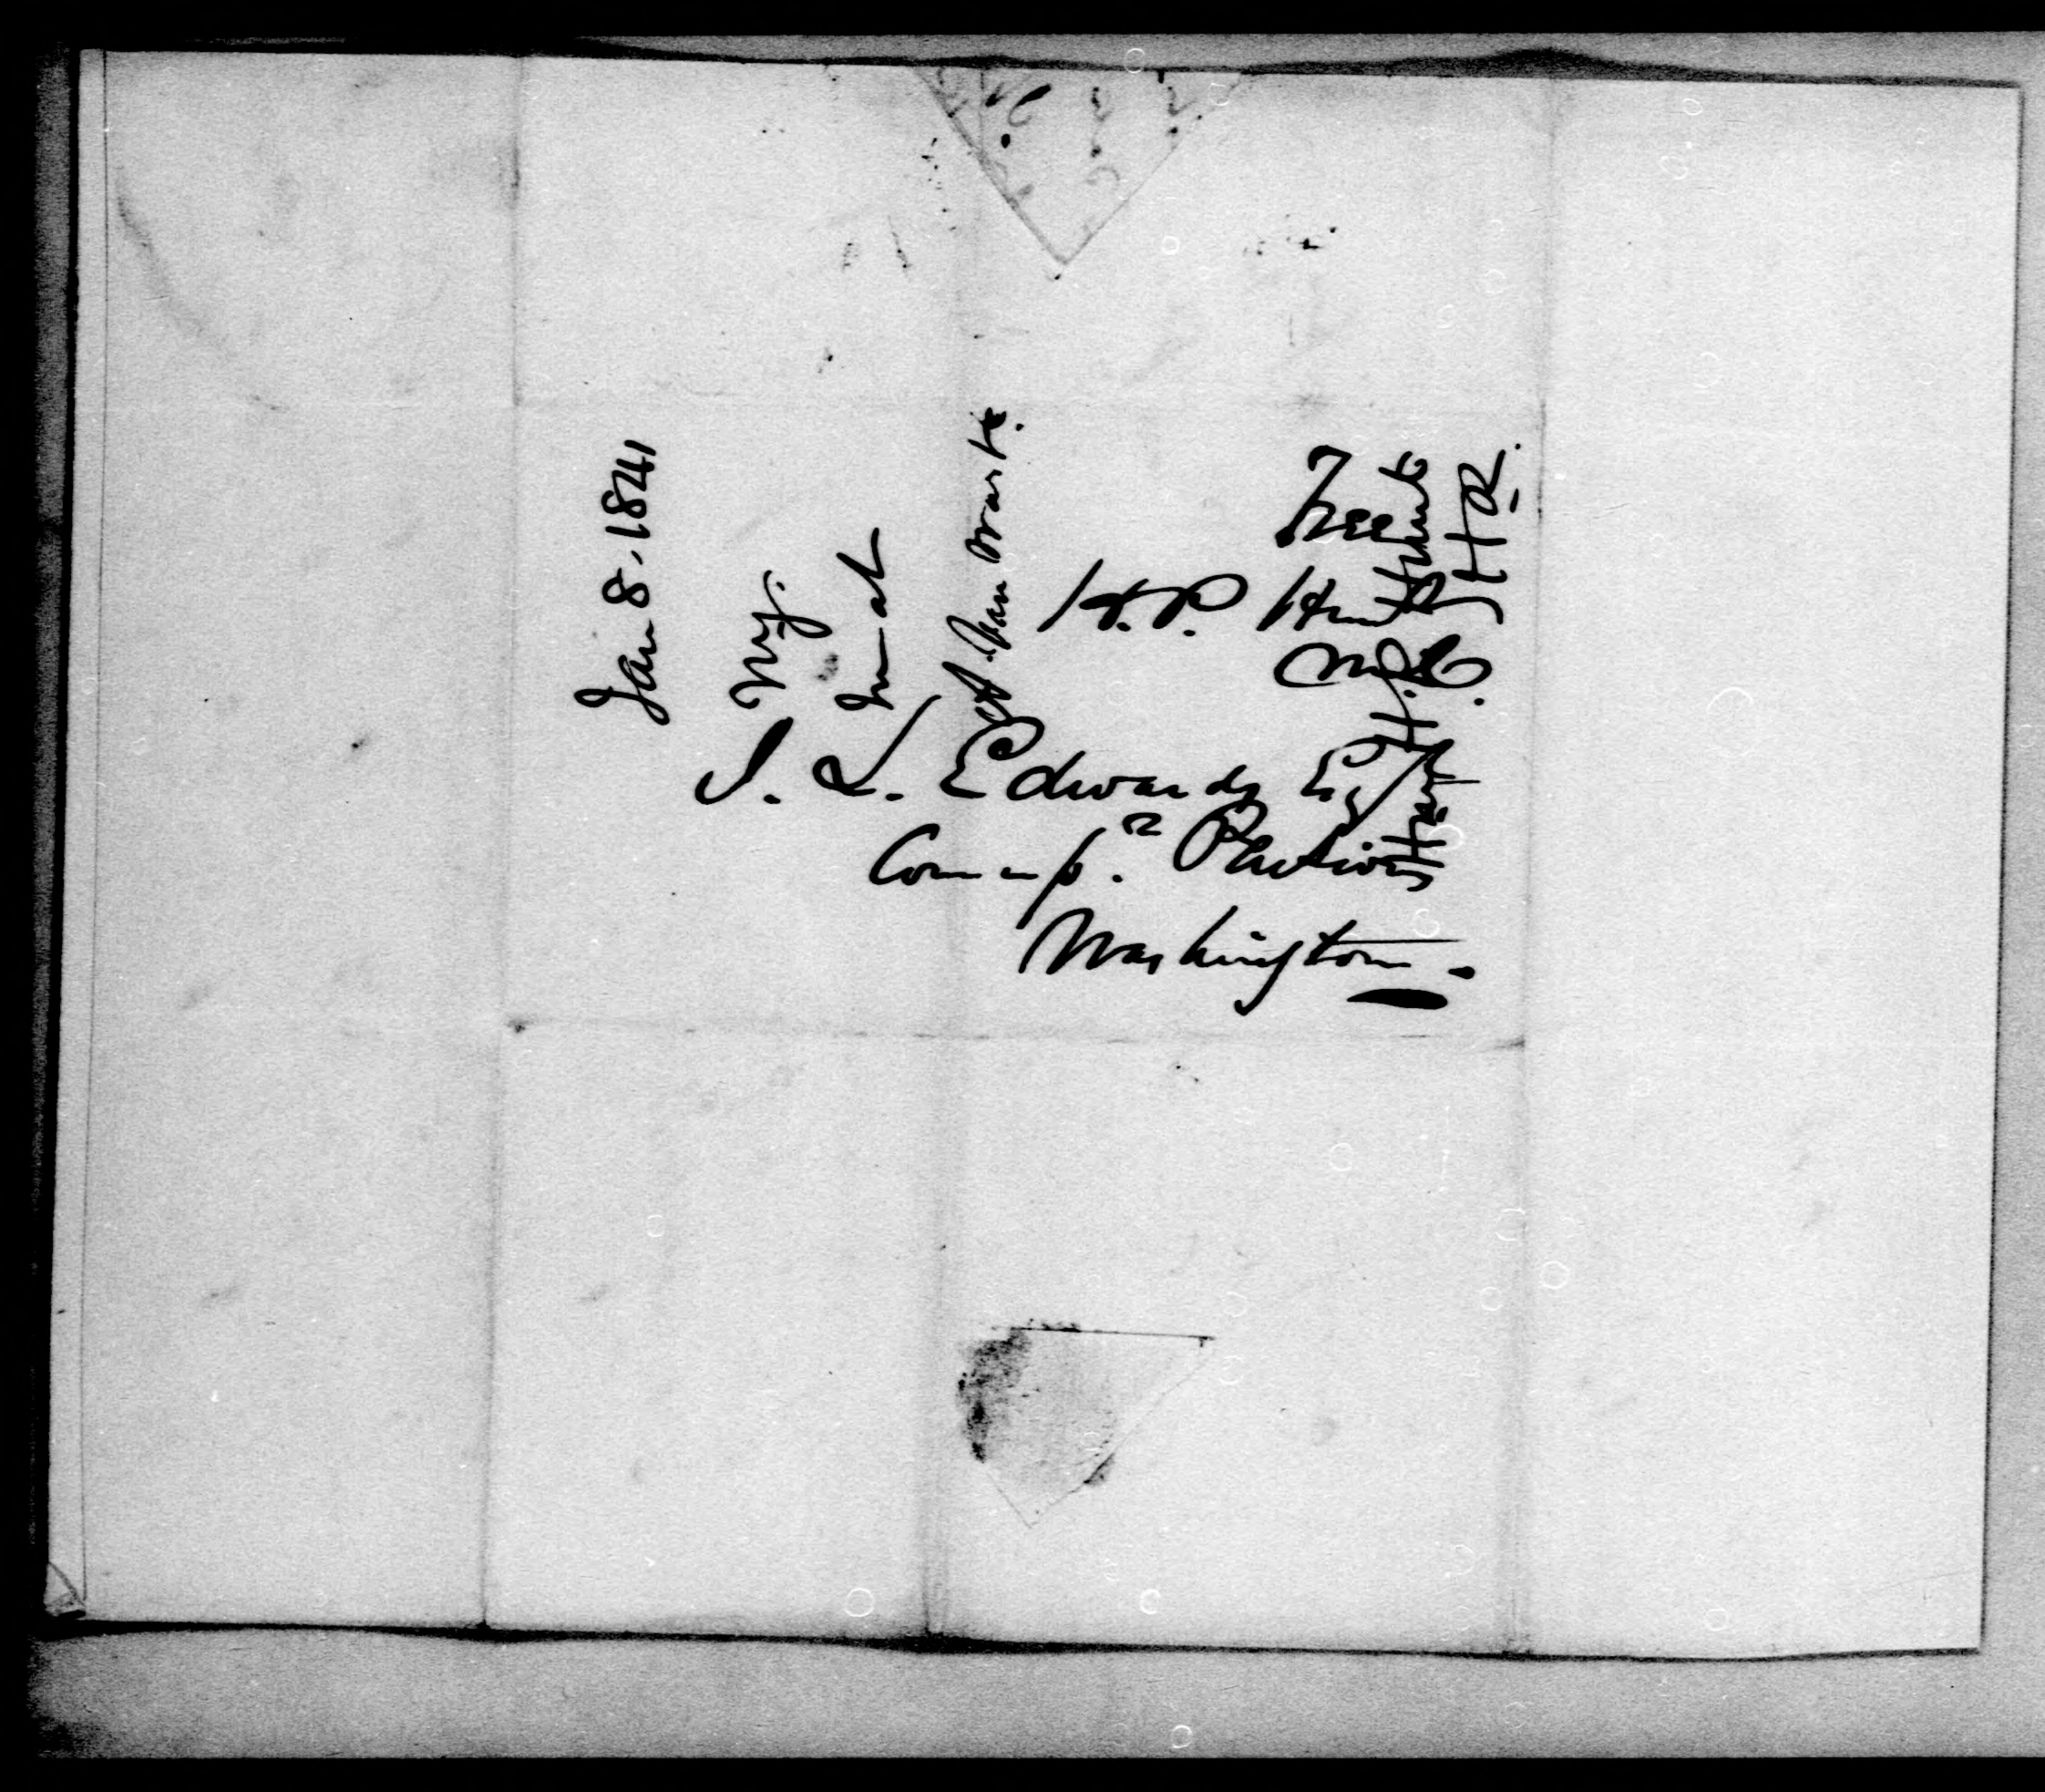Jan 8. 1841 
N.Y.
A. Van Wart

Hon H. P. Hunt
HR
Free 

J. L. Edwards Esq
Commssr Pensions
Washington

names: A Van Wart, H P Hunt, J L Edwards, H P Hunt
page: 54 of 102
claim: widow's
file: W. 18239, Isaac Van Wart, New York